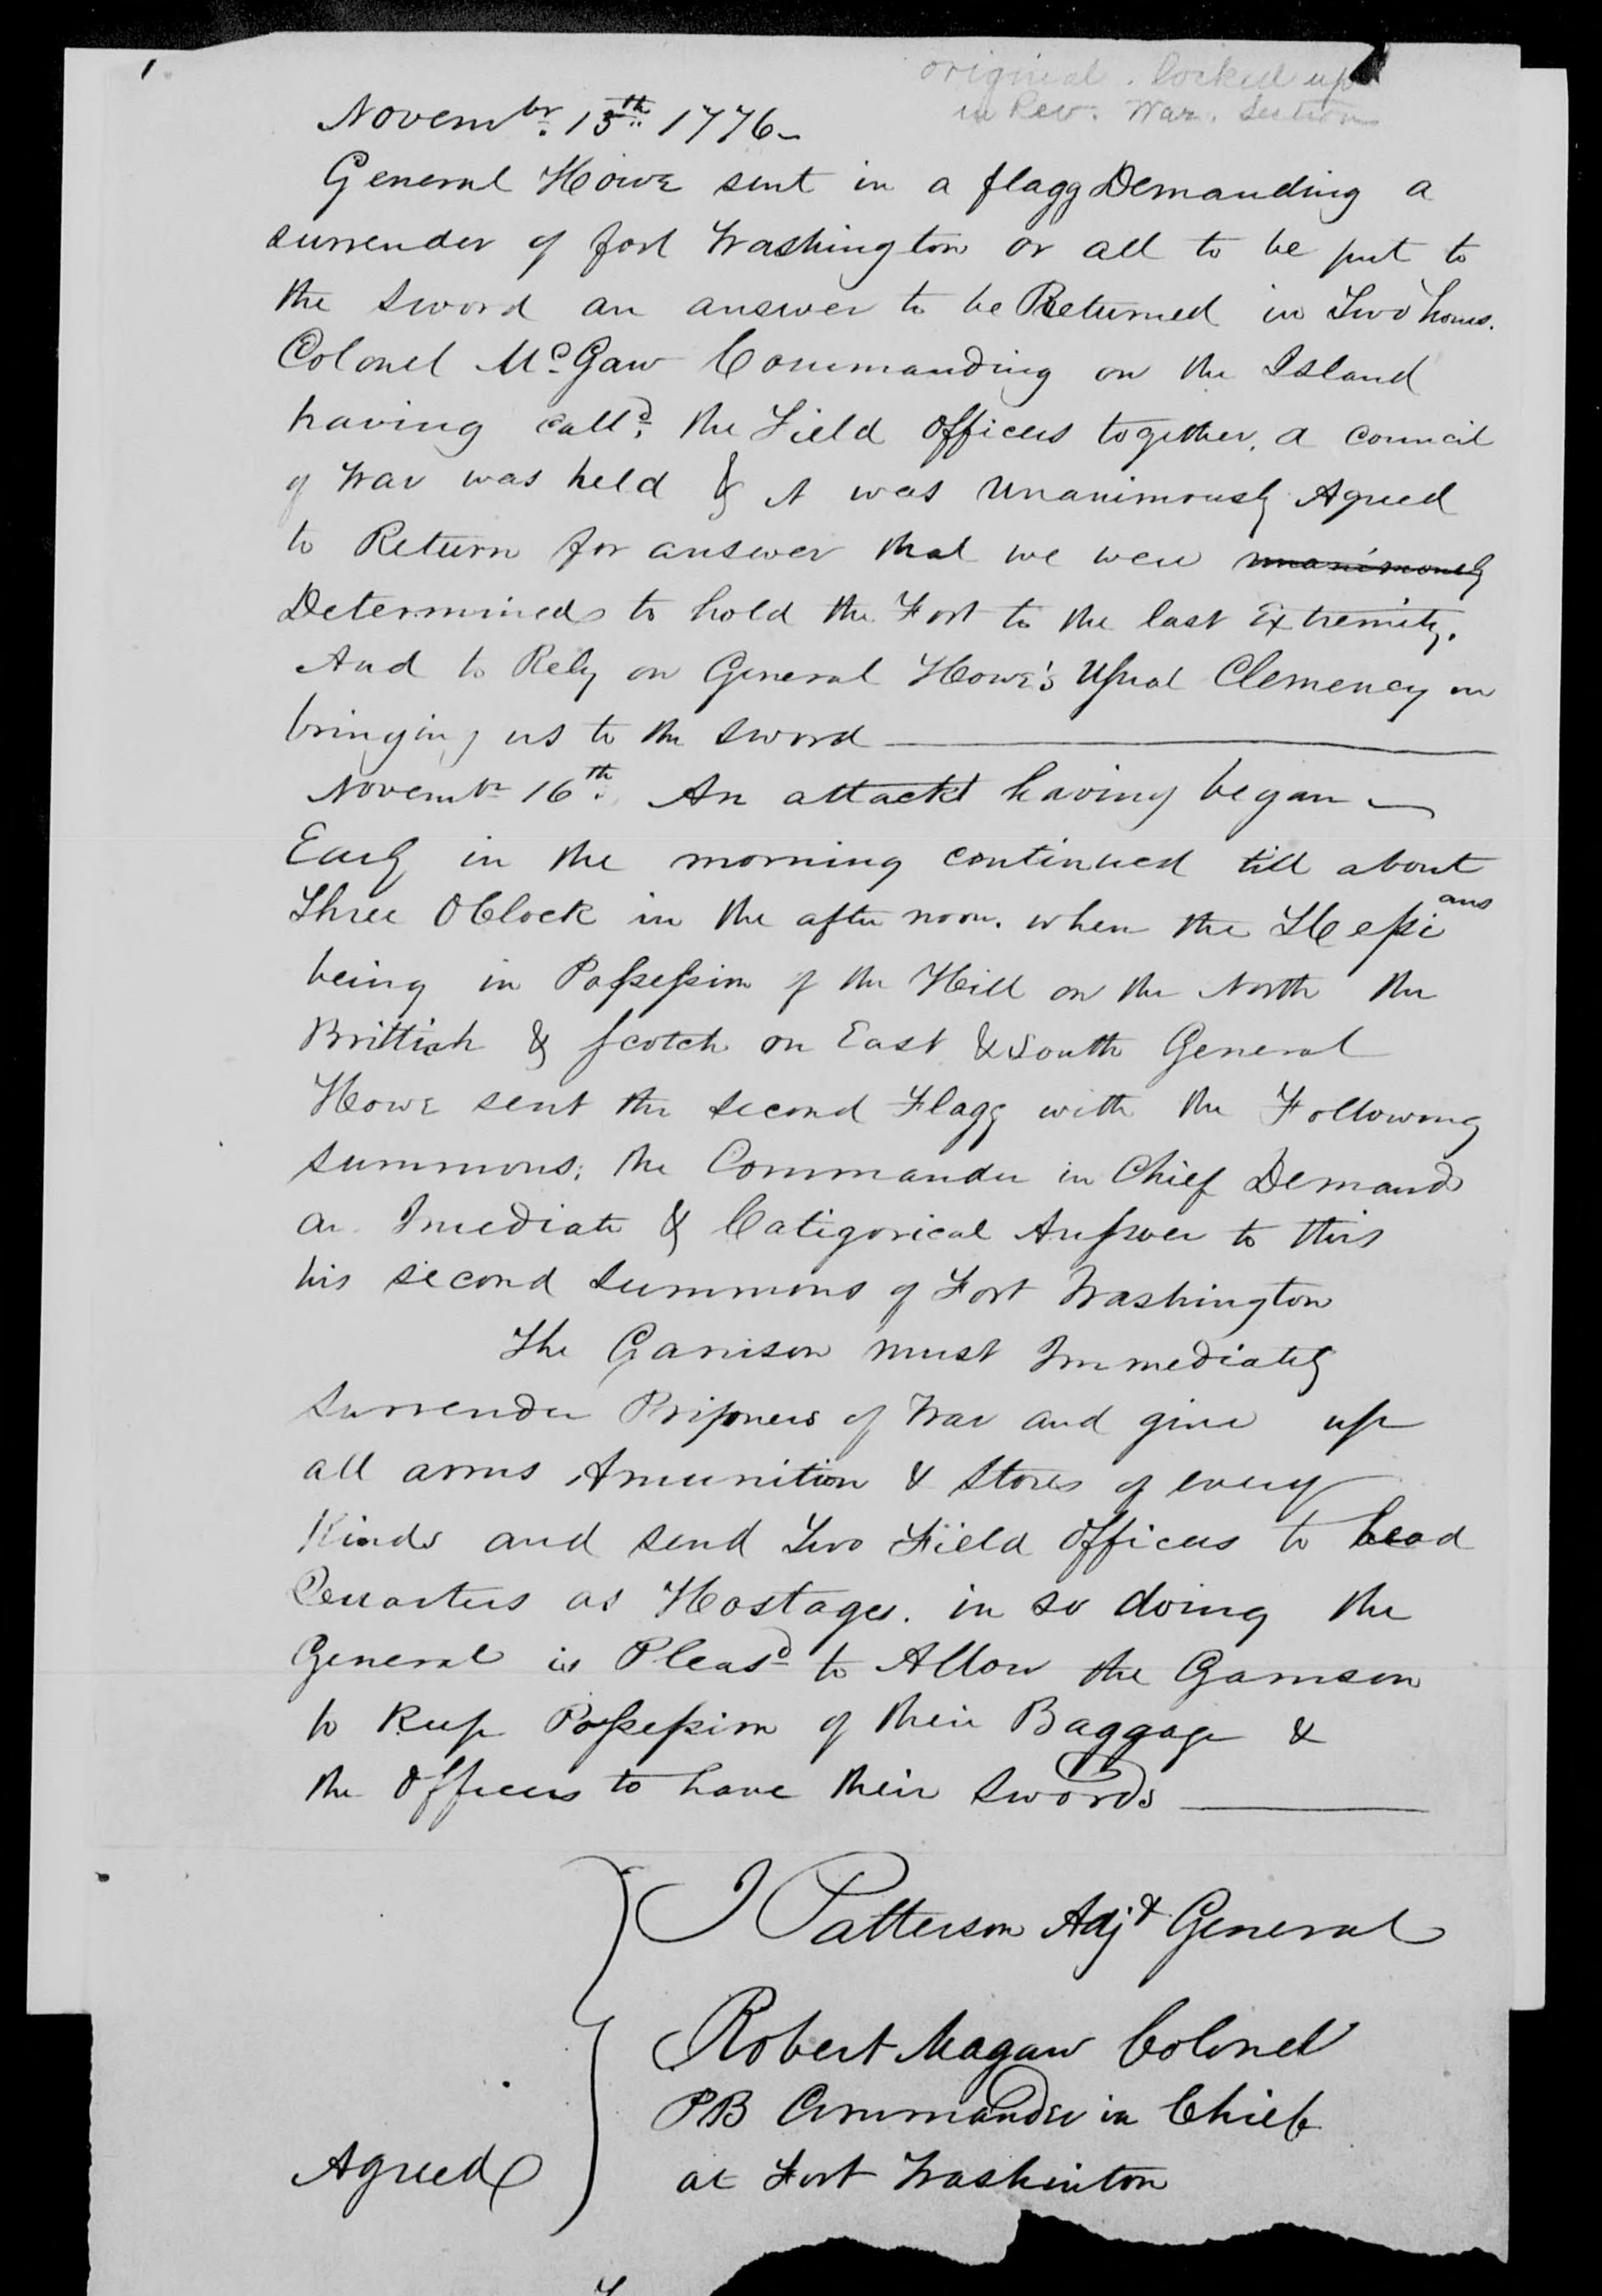[written in different hand at top of this document] 
original locked up in Rev. War Section

November. 15th 1776 - 
General Howe sent in a flagg demanding a
surrender of Fort Washington or all to be put to the sword an answer to be returned in two hours Colonel McGaw Commanding on the Island having called the field officers together, a council of War was held & it was unanimously agreed to return for answer that we were
Determined to hold the Fort to the last extremity.
And to rely on General Howe's Usual Clemency in bringing us to the sword-
November 16th An attack having began-
Early in the morning continued till about Three OClock in the after noon, when the Hopi and
being in possession of the Hill on the North the Brittish [British] & Scotch on East & South General Howe sent the second Flagg with the following summons: the Commander in Chief Demands an Imediate [immediate] & Catigorical [Categorical] Answer to this
his second summons of Fort Washington

The Garrison must immediately
Surrender Prisoners of War and give up
all arms Amunition [ammunition] & stores of every kinds and send two field officers to Head
Quarters as Hostages. in so doing the
General is pleasd [pleased] to Allow the Garrison
to keep possession of their Baggage &
the officers to have their swords --- 
Agreed } 
J Patterson Adjt. General
Robert Magaw Colonel
PB Commander in Chief
at Fort Washington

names: Mc Gaw, Howe, Howe, Robert Magaw, Patterson, Howe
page: 43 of 57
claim: survivor's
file: S. 2161, Hezekiah Davies, Penn